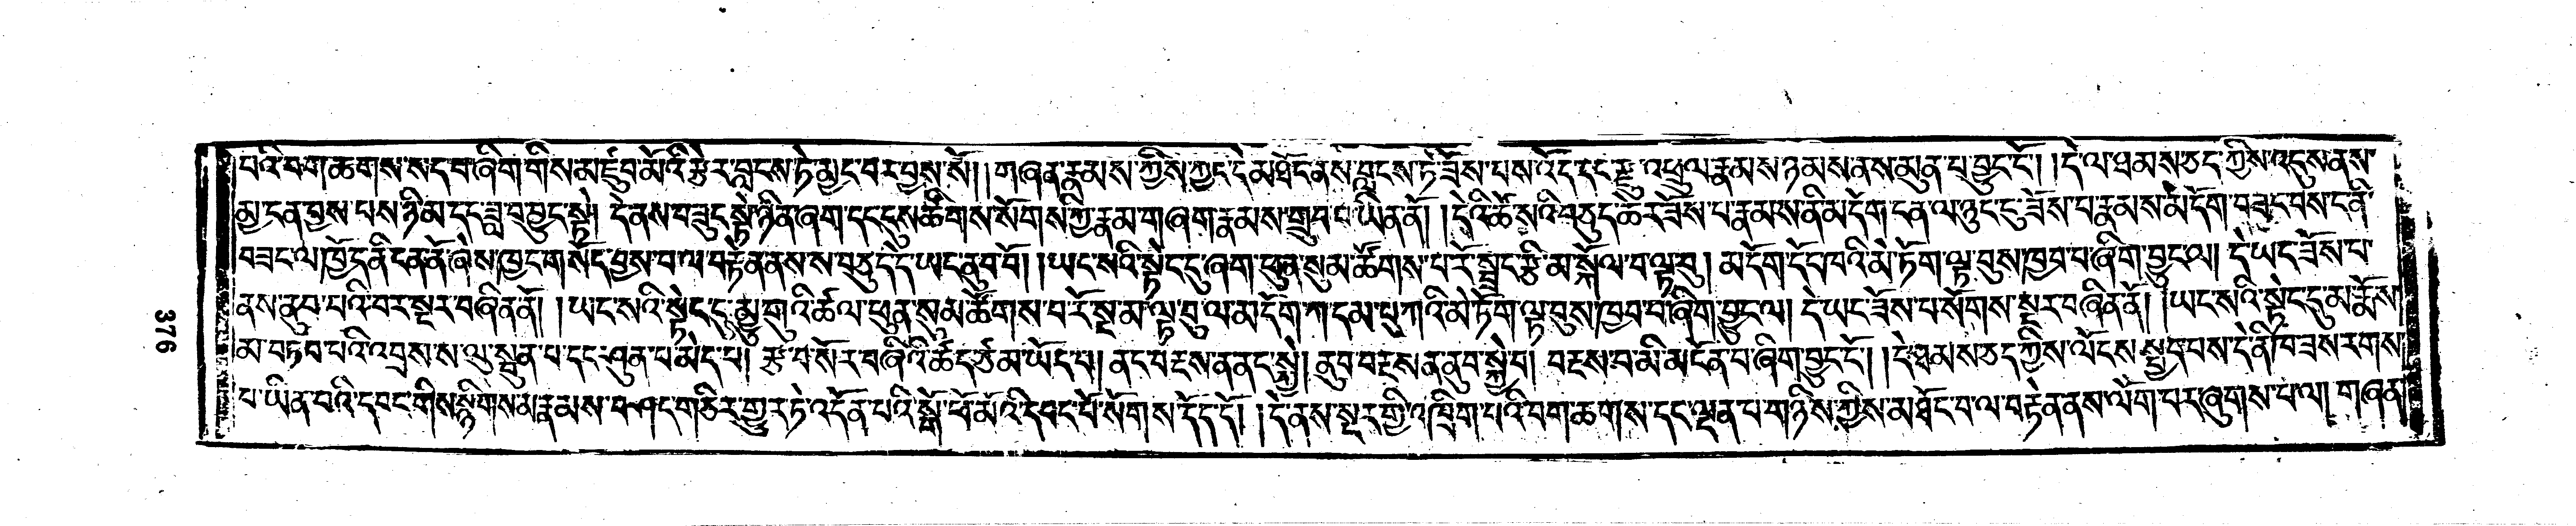བའི་བག་ཆགས་སད་པ་ཞིག་གིས་མཛུབ་མོའི་རྩེར་བླངས་ཏེ་མྱང་བར་བྱས་སོ། །གཞན་རྣམས་ཀྱིས་ཀྱང་དེ་མཐོང་ནས་བླངས་ཏེ་ཟོས་པས་འོད་དང་རྫུ་འཕྲུལ་རྣམས་ཉམས་ནས་མུན་པ་བྱུང་ངོ། །དེ་ལ་ཐམས་ཅད་ཀྱིས་འདུས་ནས་
མྱ་ངན་བྱས་པས་ཉི་མ་དང་ཟླ་བ་བྱུང་སྟེ། དེ་ནས་བཟུང་སྟེ་ཉིན་ཞག་དང་དུས་ཚིགས་སོགས་ཀྱི་རྣམ་གཞག་རྣམས་གྲུབ་པ་ཡིན་ནོ། །དེའི་ཚེ་སའི་བཅུད་ཆེར་ཟོས་པ་རྣམས་ནི་མདོག་ངན་ལ་ཉུང་དུ་ཟོས་པ་རྣམས་མདོག་བཟང་བས་ང་ནི་
བཟང་ལ་ཁྱོད་ནི་ངན་ནོ་ཞེས་ཁྱད་གསོད་བྱས་པ་ལ་བརྟེན་ནས་ས་བཅུད་དེ་ཡང་ནུབ་བོ། །ཡང་སའི་སྟེང་དུ་ཞག་ཕུན་སུམ་ཚོགས་པ་རོ་སྦྲང་རྩི་མ་སྐོལ་བ་ལྟ་བུ། མདོག་དོང་ཁའི་མེ་ཏོག་ལྟ་བུས་ཁྱབ་པ་ཞིག་བྱུང་ལ། དེ་ཡང་ཟོས་པ་
ནས་ནུབ་པའི་བར་སྔར་བཞིན་ནོ། །ཡང་སའི་སྟེང་དུ་མྱུ་གུའི་ཚལ་ཕུན་སུམ་ཚོགས་པ་རོ་སྔ་མ་ལྟ་བུ་ལ་མདོག་ཀ་དམ་པུ་ཀའི་མེ་ཏོག་ལྟ་བུས་ཁྱབ་པ་ཞིག་བྱུང་ལ། དེ་ཡང་ཟོས་པ་སོགས་སྔར་བཞིན་ནོ། །ཡང་སའི་སྟེང་དུ་མ་རྨོས་
མ་བཏབ་པའི་འབྲས་ས་ལུ་སྦུན་པ་དང་ཤུན་པ་མེད་པ། རྩ་བ་སོར་བཞིའི་ཚད་ཙམ་ཡོད་པ། ནང་བརྔས་ན་ནང་སྐྱེ། ནུབ་བརྔས་ན་ནུབ་སྐྱེ་བ། བརྔས་པ་མི་མངོན་བ་ཞིག་བྱུང་ངོ། །དེ་ཐམས་ཅད་ཀྱིས་ལོངས་སྤྱོད་པས་དེ་ནི་ཁ་ཟས་རགས་
པ་ཡིན་པའི་དབང་གིས་སྙིགས་མ་རྣམས་བཤད་གཅིར་གྱུར་ཏེ་འདོན་པའི་སྒོ་ཕོ་མོའི་དབང་པོ་སོགས་དོད་དོ། །དེ་ནས་སྔར་གྱི་འཁྲིག་པའི་བག་ཆགས་དང་ལྡན་པ་གཉིས་ཀྱིས་མཐོང་བ་ལ་བརྟེན་ནས་ལོག་པར་ཞུགས་པ་ལ། གཞན་